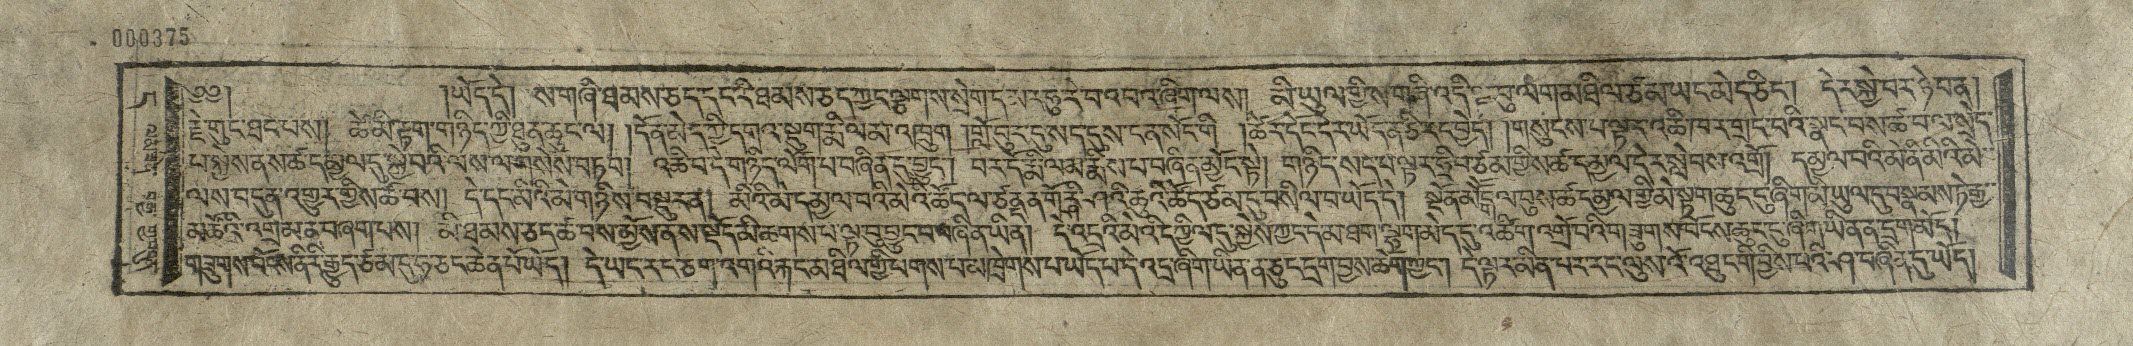༄༅། །ཡོད་དེ། ས་གཞི་ཐམས་ཅད་དང་རི་ཐམས་ཅད་ཀྱང་ལྕགས་སྲེག་དམར་ཧུ་རེ་བ་འབའ་ཞིག་ལས། མི་ཡུལ་གྱི་ས་གཞི་འདི་ལྟ་བུ་ལག་མཐིལ་ཙམ་ཡང་མེད་ཅིང་། དེར་སྐྱེ་བར་ཉེ་བ་ན།
རྗེ་གུང་ཐང་པས། ཚེ་མི་རྟག་གཉིད་ཀྱི་ཐུན་ཆུང་ལ། །དོན་མེད་ཀྱི་དགའ་སྡུག་རྨི་ལམ་འཁྲུག །གློ་བུར་དུ་སད་དུས་ངན་སོང་གི །ཚེར་དོང་དེར་ཡོད་ན་ཅི་རང་བྱེད། །གསུངས་པ་ལྟར་འཆི་ཁར་གྲང་བའི་སྣང་བས་ཚ་བ་ལ་སྲེད་
པ་སྐྱེས་ནས་ཚ་དམྱལ་དུ་སྐྱེ་བའི་ལས་ལ་གསོས་བཏབ། འཆི་བ་དེ་གཉིད་ལོག་པ་བཞིན་དུ་བྱུང་། བར་དོ་རྨི་ལམ་རྨིས་པ་བཞིན་མྱོང་སྟེ། གཉིད་སད་པ་ལྟར་ཧྲི་བ་ཙམ་གྱིས་ཚ་དམྱལ་དེར་སླེབས་འགྲོ། དམྱལ་བའི་མེ་ནི་མིའི་མེ་
ལས་བདུན་འགྱུར་གྱིས་ཚ་བས། དེ་དང་མིའི་མེ་གཉིས་བསྡུར་ན། མིའི་མེ་དམྱལ་བའི་མེའི་ཚོད་ལ་ཙནྡན་གོརྴི་ཤའི་ཆུའི་ཚོད་ཙམ་དུ་བསིལ་བ་ཡོད་དེ། སྔོན་མཽངྒལ་ལ་བུས་ཚ་དམྱལ་གྱི་མེ་སྟག་ཆུང་ངུ་ཞིག་མི་ཡུལ་དུ་བསྣམས་ཏེ་རྒྱ་
མཚོའི་འགྲམ་ན་བཞག་པས། མི་ཐམས་ཅད་ཚ་བས་མྱོས་ནས་སྡོད་མི་ཆགས་པ་ལྟ་བུ་བྱུང་བ་བཞིན་ཡིན། དེ་འདྲའི་མེའི་དཀྱིལ་དུ་སྐྱེས་ཀྱང་དེ་མ་ཐག་ལྷག་མེད་དུ་འཚིག་འགྲོ་བའི་གཟུགས་བོངས་ཆུང་ངུ་ཞིག་ཡིན་ན་དྲག་མོད།
གཟུགས་བོང་?་ས་?་ནི་རི་རྒྱུད་ཙམ་དུ་ཧ་ཅང་ཆེན་པོ་ཡོད། དེ་ཡང་རང་ཅག་འགའི་རྐང་མཐིལ་གྱི་པགས་པ་མཁྲེགས་པ་ཡོད་པ་དེ་འདྲ་ཞིག་ཡིན་ན་ཅུང་དྲག་བྱས་ཆོག་ཀྱང་། དེ་ལྟར་མིན་པར་རང་ལུས་འོ་འཐུང་གྱི་བྱིས་པའི་ཤ་བཞིན་དུ་ཡོད།